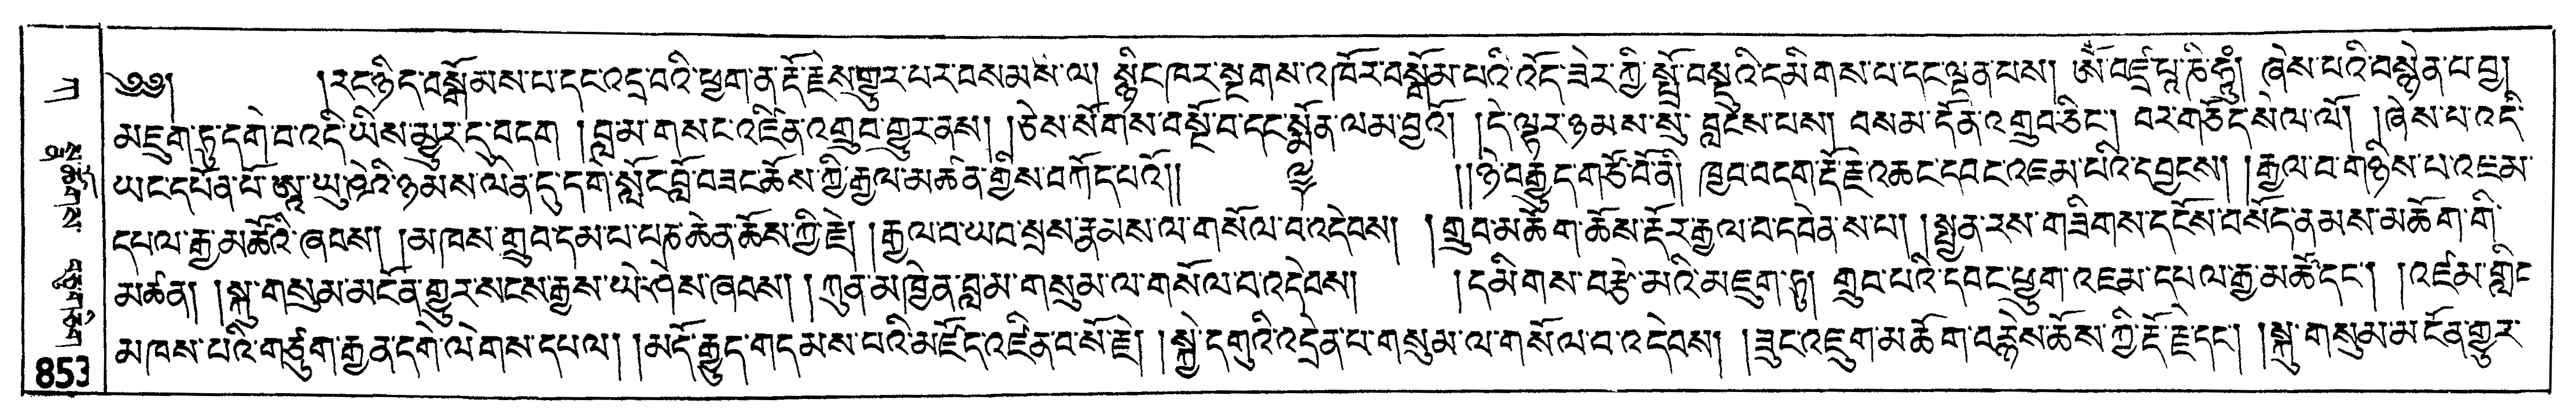༄༅། །རང་ཉིད་བསྒོམས་པ་དང་འདྲ་བའི་ཕྱག་ན་རྡོ་རྗེས་གྱུར་པར་བསམས་ལ། སྙིང་ཁར་སྔགས་འཁོར་བསྒོམ་པའི་འོད་ཟེར་ཀྱི་སྤྲོ་བསྡུའི་དམིགས་པ་དང་ལྡན་པས། ཨོཾ་བཛྲ་པཱ་ཎི་ཧཱུཾ། ཞེས་པའི་བསྙེན་པ་བྱ།
མཇུག་ཏུ་དགེ་བ་འདི་ཡིས་མྱུར་དུ་བདག །བླ་མ་གསང་འཛིན་འགྲུབ་གྱུར་ནས། །ཅེས་སོགས་བསྔོ་བ་དང་སྨོན་ལམ་བྱའོ། །དེ་ལྟར་ཉམས་སུ་བླངས་པས། བསམ་དོན་འགྲུབ་ཅིང་། བར་གཅོད་སེལ་ལོ། །ཞེས་པ་འདི་
ཡང་དཔོན་པོ་ཨཱ་ཡུ་ཥེའི་ཉམས་ལེན་དུ་དགེ་སློང་བློ་བཟང་ཆོས་ཀྱི་རྒྱལ་མཚན་གྱིས་བཀོད་པའོ།། ༈ །།ཉེ་བརྒྱུད་གཙོ་བོ་ནི། ཁྱབ་བདག་རྡོ་རྗེ་འཆང་དབང་འཇམ་པའི་དབྱངས། །རྒྱལ་བ་གཉིས་པ་འཇམ་
དཔལ་རྒྱ་མཚོའི་ཞབས། །མཁས་གྲུབ་དམ་པ་པཎ་ཆེན་ཆོས་ཀྱི་རྗེ། །རྒྱལ་བ་ཡབ་སྲས་རྣམས་ལ་གསོལ་བ་འདེབས། །གྲུབ་མཆོག་ཆོས་རྡོར་རྒྱལ་བ་དབེན་ས་པ། །སྤྱན་རས་གཟིགས་དངོས་བསོད་ནམས་མཆོག་གི་
མཚན། །སྐུ་གསུམ་མངོན་གྱུར་སངས་རྒྱས་ཡེ་ཤེས་ཞབས། །ཀུན་མཁྱེན་བླ་མ་གསུམ་ལ་གསོལ་བ་འདེབས། །དམིགས་བརྩེ་མའི་མཇུག་ཏུ། གྲུབ་པའི་དབང་ཕྱུག་འཇམ་དཔལ་རྒྱ་མཚོ་དང་། །འཛམ་གླིང་
མཁས་པའི་གཙུག་རྒྱན་དགེ་ལེགས་དཔལ། །མདོ་རྒྱུད་གདམས་པའི་མཛོད་འཛིན་བ་སོ་རྗེ། །སྐྱེ་དགུའི་འདྲེན་པ་གསུམ་ལ་གསོལ་བ་འདེབས། །ཟུང་འཇུག་མཆོག་བརྙེས་ཆོས་ཀྱི་རྡོ་རྗེ་དང་། །སྐུ་གསུམ་མངོན་གྱུར་